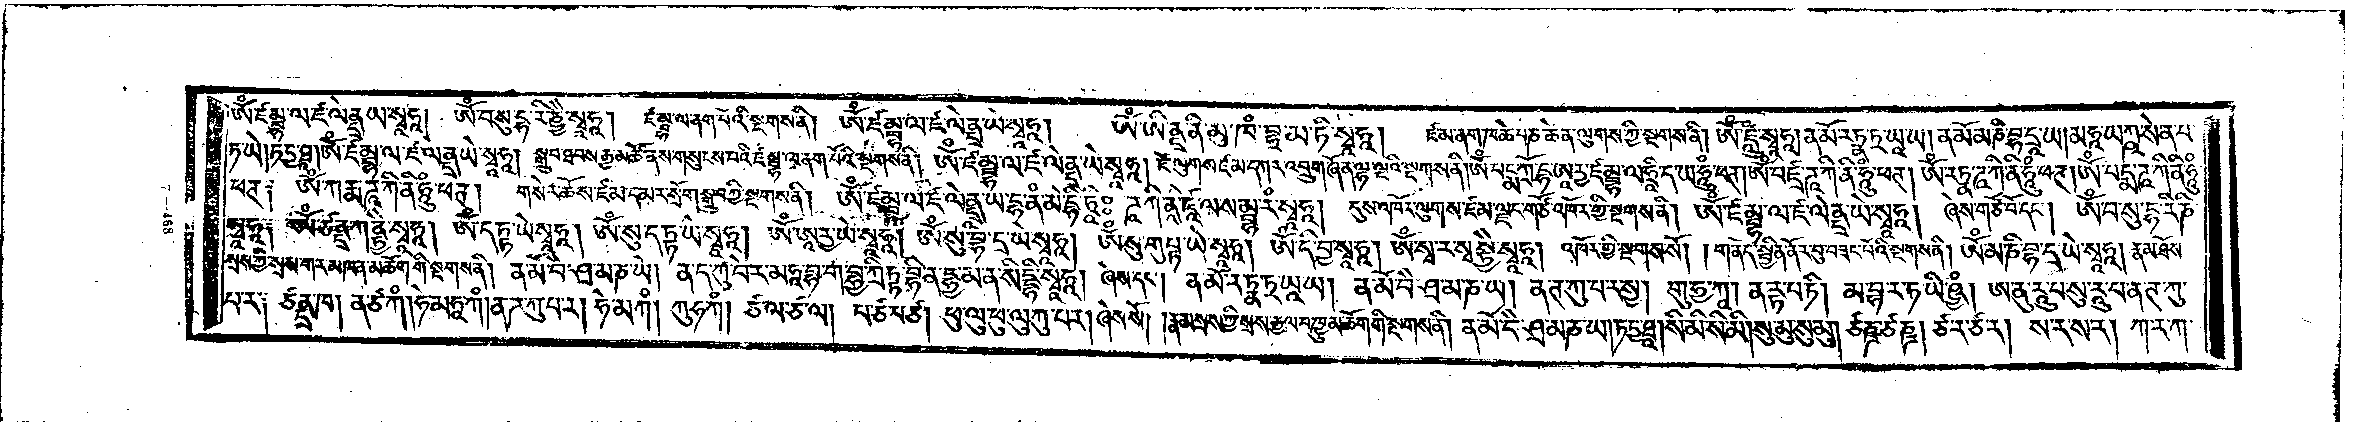ཨོཾ་ཛམྦྷ་ལ་ཛ་ལེནྡྲ་ཡ་སྭཱཧཱ། ཨོཾ་བ་སུ་དྷ་རི་ཎྱཻ་སྭཱཧཱ། ཛམྦྷ་ལ་ནག་པོའི་སྔགས་ནི། ཨོཾ་ཛམྦྷ་ལ་ཛ་ལེནྡྲ་ཡེ་སྭཱཧཱ། ཨོཾ་ཨིནྡྲ་ནི་མུ་ཁཾ་བྷྲ་མ་ཏི་སྭཱཧཱ། ཛམ་ནག་ཁ་ཆེ་པ?་ཚན་ལུགས་ཀྱི་སྔགས་ནི།  ཨོཾ་ཛཱི་སྭཱཧཱ། ན་མོ་རཏྣ་ཏྲ་ཡཱ་ཡ། ན་མོ་མ་ཎི་བྷ་དྲཱ་ཡ་།མཧཱ་ཡཀྵ་སེ་ན་པ་
ཏ་ཡེ༑ ཏདྱ་ཐཱ། ཨོཾ་ཛམྦྷ་ལ་ཛ་ལེནྡྲ་ཡེ་སྭཱཧཱ། སྒྲུབ་ཐབས་རྒྱ་མཚོ་ནས་གསུངས་པའི་ཛམྦྷ་ལ་ནག་པོའི་སྔགས་ནི།  ཨོཾ་ཛམྦྷ་ལ་ཛ་ལེནྡྲ་ཡེ་སྭཱཧཱ། ཇོ་ལུགས་ཛམ་དཀར་འབྲུག་ཞོན་ལྷ་ལྔའི་སྔགས་ནི།  ཨོཾ་པདམ་ཀྲོ་དྷ་ཨཱརྱ་ཛམྦྷ་ལ་ཧྲཱི་ད་ཡ་ཧཱུཾ་ཕཊ། ཨོཾ་བཛྲ་ཌཱ་ཀི་ནི་ཧཱུཾ་ཕཊ། ཨོཾ་རཏྣ་ཌཱ་ཀི་ནི་ཧཱུཾ་ཕཊ། ཨོཾ་པདམ་ཌཱ་ཀི་ནི་ཧཱུཾ་
ཕཊ༑ ཨོཾ་ཀརྨ་ཌཱ་ཀི་ནི་ཧཱུཾ་ཕཊ། གསེར་ཆོས་ཇམ་དམར་སྲོག་སྒྲུབ་ཀྱི་སྔགས་ནི།  ཨོཾ་ཛམྦྷ་ལ་ཛ་ལེནྡྲ་ཡེ་དྷ་ན་མི་དྷི་ཧྲཱིཿཌཱ་ཀི་ནཱི་ཛཱ་ལ་སམྦྷ་རཾ་སྭཱཧཱ། དུས་འཁོར་ལུགས་ཛམ་ལྗང་གཙོ་འཁོར་གྱི་སྔགས་ནི། ཨོཾ་ཛམྦྷ་ལ་ཛ་ལེནྡྲ་ཡེ་སྭཱཧཱ། ཞེས་གཙོ་བོ་དང་།  ཨོཾ་བ་སུ་དྷ་རི་ཎི་
སྭཱཧཱ༑ ཨོཾ་ཅནྡྲ་ཀནྟྱཻ་སྭཱཧཱ། ཨོཾ་དཏྟ་ཡེ་སྭཱཧཱ། ཨོཾ་སུ་དཏྟ་ཡེ་སྭཱཧཱ། ཨོཾ་ཨཱརྱ་ཡེ་སྭཱཧཱ། ཨོཾ་སུ་བཏ་དྲ་ཡེ་སྭཱཧཱ། ཨོཾ་སུ་གུཔྟ་ཡེ་སྭཱཧཱ། ཨོཾ་དི་བྱ་སྭཱཧཱ། ཨོཾ་སྭ་ར་སྭ་སྟྱཻ་སྭཱཧཱ། འཁོར་གྱི་སྔགས་སོ། གནོད་སྦྱིན་ནོར་བུ་བཟང་པོའི་སྔགས་ནི།  ཨོཾ་མ་ཎི་བྷ་དྲ་ཡེ་སྭཱཧཱ། རྣམ་ཐོས་
སྲས་ཀྱི་སྲས་གར་མཁན་མཆོག་གི་སྔགས་ནི། ན་མོ་བཻ་ཤྲ་མཎ་ཡེ། ན་དཀུ་བེ་ར་མཉཱ་བྷ་ག་བྷྱ་ཀྲིཏྟ་བྷིན་དྷྱ་མ་ན་སིདྡྷི་སྭཱཧཱ། ཞེས་དང་།  ན་མོ་རཏྣ་ཏྲ་ཡཱ་ཡ། ན་མོ་བཻ་ཤྲ་མཎ་ཡ། ན་ཊ་ཀུ་ཕར་སྱ། གུ་ཧྱ་ཀཱ། ནརྟ་པ་ཏི། མ་བྷ་ར་ཏ་ཡི་ཥྱཾ། ཨ་ནུ་རཱུ་པ་སུ་རཱུ་པ་ན་ཊ་ཀུ་
པ་རཿ ཙནྡྲ་ཁཾ། ན་ཙ་ཀཾ་།ཧེ་མཧཱ་ཀཾ། ན་ཌ་ཀུ་པར། ཧེ་མ་ཀཾ། ཀུ་ཧ་ཀཾ། ཙ་ལ་ཙ་ལ། པ་ཙ་པ་ཙ། ཕུ་ལུ་ཕུ་ལུ་ཀུ་བེཛ། ཞེས་སོ། །རྣམ་སྲས་ཀྱི་སྲས་རྒྱལ་བ་ཁྱུ་མཆོག་གི་སྔགས་ནི།  ན་མོ་བཻ་ཤྲ་མཎ་ཡ་།ཏདྱ་ཐཱ། སི་མི་སི་མི། སུ་མུ་སུ་མུ། ཙཎྜ་ཙཎྜ། ཙ་ར་ཙ་ར། ས་ར་ས་ར། ཀ་ར་ཀ་